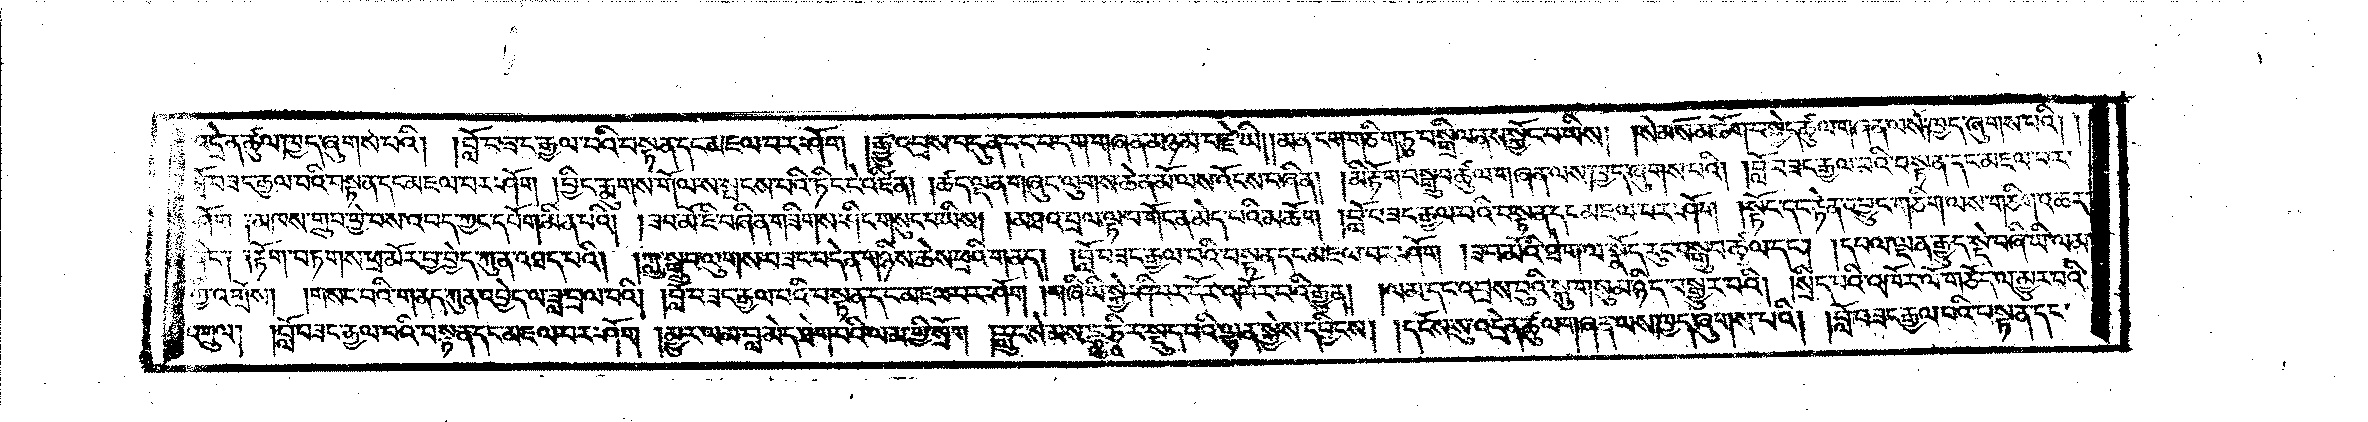འདྲེན་ཚུལ་ཁྱད་ཞུགས་པའི། །བློ་བཟང་རྒྱལ་བའི་བསྟན་དང་མཇལ་བར་ཤོག །རྒྱུ་འབྲས་བདུན་དང་བདག་གཞན་མཉམ་པ་རྗེ་ཡི། །མན་ངག་གཅིག་ཏུ་བསྒྲིལ་ནས་སྐྱོང་བ་ཡིས། །སེམས་མཆོག་བསྐྱེད་ཚུལ་གཞན་ལས་ཁྱད་ཞུགས་པའི། །
བློ་བཟང་རྒྱལ་བའི་བསྟན་དང་མཇལ་བར་ཤོག །བྱིང་རྨུགས་གོལ་ས་སྤངས་པའི་ཏིང་ངེ་འཛིན། །ཚད་ལྡན་གཞུང་ལུགས་ཆེན་མོ་ལས་འོངས་བཞིན། །མི་རྟོག་བསྒྲུབ་ཚུལ་གཞན་ལས་ཁྱད་ཞུགས་པའི། །བློ་བཟང་རྒྱལ་བའི་བསྟན་དང་མཇལ་བར་
ཤོག ༑མཁས་གྲུབ་ཕྱེ་བས་འབད་ཀྱང་དཔོག་མིན་པའི། །ཟབ་མོ་ཇི་བཞིན་གཟིགས་ཤིང་གསུང་བ་ཡིས། །མཐའ་བྲལ་ལྟ་པ་གོང་ན་མེད་པའི་མཆོག །བློ་བཟང་རྒྱལ་བའི་བསྟན་དང་མཇལ་བར་ཤོག །སྟོང་དང་རྟེན་འབྱུང་གཅིག་ལས་གཅིག་འཆར་
ཞིང༑ ༑རྟོག་བཏགས་ཕྲ་མོར་བྱ་བྱེད་ཀུན་འཐད་པའི། །ཀླུ་སྒྲུབ་ལུགས་བཟང་བདེན་གཉིས་ཆེས་ཕྲའི་གནད། །བློ་བཟང་རྒྱལ་བའི་བསྟན་དང་མཇལ་བར་ཤོག །ཟབ་མོའི་ཐེག་ལ་སྣོད་རུང་བསྒྲུབ་ཚུལ་དང་། །དཔལ་ལྡན་རྒྱུད་སྡེ་བཞི་ཡི་ལམ་
གྱི་འགྲོས། །གསང་བའི་གནད་ཀུན་འབྱེད་ལ་ཟླ་བྲལ་བའི། །བློ་བཟང་རྒྱལ་བའི་བསྟན་དང་མཇལ་བར་ཤོག །གཞི་ཡི་སྐྱེ་ཤི་བར་དོར་འཁོར་བའི་རྒྱུན། །ལམ་དང་འབྲས་བུའི་སྐུ་གསུམ་ཉིད་བསྒྱུར་བའི། །སྲིད་པའི་འཁོར་ལོ་གཅོད་ལ་མྱུར་བའི་
འགྲུལ།།བློ་བཟང་རྒྱལ་བའི་བསྟན་དང་མཇལ་བར་ཤོག །མྱུར་ལམ་བླ་མེད་ཐེག་པའི་ལམ་གྱི་སྲོག །རླུང་སེམས་དྷཱ་ཏཱིར་སྡུད་པའི་ལྷན་སྐྱེས་དབྱིང་། །དངོས་སུ་འདྲེན་ཚུལ་གཞན་ལས་ཁྱད་ཞུགས་པའི། །བློ་བཟང་རྒྱལ་བའི་བསྟན་དང་